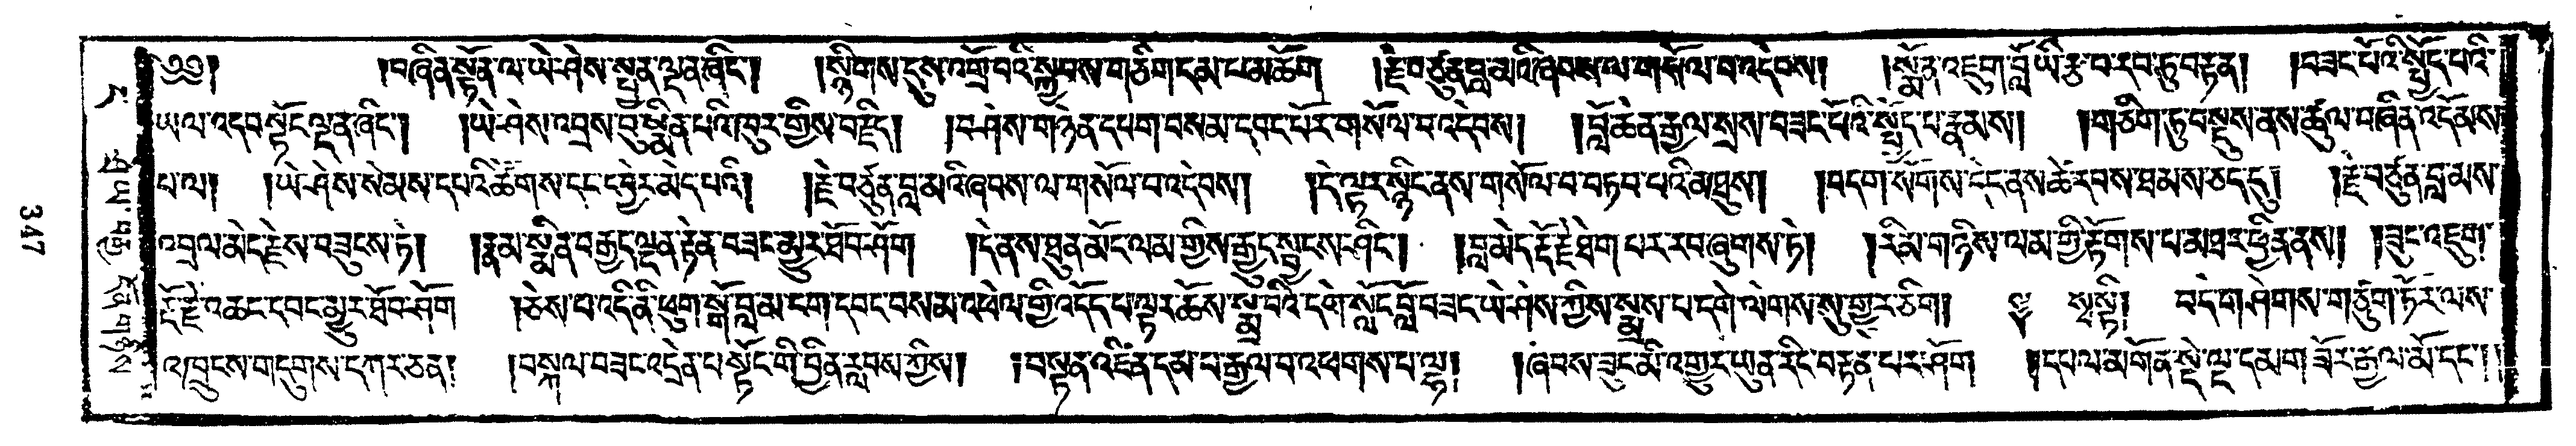༄༅། །བཞིན་སྟོན་ལ་ཡེ་ཤེས་སྤྱན་ལྡན་ཞིང་། །སྙིགས་དུས་འགྲོ་བའི་སྐྱབས་གཅིག་དམ་པ་མཆོག །རྗེ་བཙུན་བླ་མའི་ཞབས་ལ་གསོལ་བ་འདེབས། །སྨོན་འཇུག་བློ་ཡི་རྩ་བ་རབ་ཏུ་བརྟན། །བཟང་པོའི་སྤྱོད་པའི་
ཡལ་འདབ་སྟོང་ལྡན་ཞིང་། །ཡེ་ཤེས་འབྲས་བུ་སྨིན་པའི་ཁུར་གྱིས་བརྗིད། །བཤེས་གཉེན་དཔག་བསམ་དབང་པོར་གསོལ་བ་འདེབས། །བློ་ཆེན་རྒྱལ་སྲས་བཟང་པོའི་སྤྱོད་པ་རྣམས། །གཅིག་ཏུ་བསྡུས་ནས་ཚུལ་བཞིན་འདོམས་
པ་ལ། །ཡེ་ཤེས་སེམས་དཔའི་ཚོགས་དང་དབྱེར་མེད་པའི། །རྗེ་བཙུན་བླ་མའི་ཞབས་ལ་གསོལ་བ་འདེབས། །དེ་ལྟར་སྙིང་ནས་གསོལ་བ་བཏབ་པའི་མཐུས། །བདག་སོགས་དེང་ནས་ཚེ་རབས་ཐམས་ཅད་དུ། །རྗེ་བཙུན་བླ་མས་
འབྲལ་མེད་རྗེས་བཟུངས་ཏེ། །རྣམ་སྨིན་བརྒྱད་ལྡན་རྟེན་བཟང་མྱུར་ཐོབ་ཤོག །དེ་ནས་ཐུན་མོང་ལམ་གྱིས་རྒྱུད་སྦྱངས་ཤིང་། །བླ་མེད་རྡོ་རྗེ་ཐེག་པར་རབ་ཞུགས་ཏེ། །རིམ་གཉིས་ལམ་གྱི་རྟོགས་པ་མཐར་ཕྱིན་ནས། །ཟུང་འཇུག་
རྡོ་རྗེ་འཆང་དབང་མྱུར་ཐོབ་ཤོག །ཅེས་པ་འདི་ནི་ཕུག་སྒོ་བླ་མ་ངག་དབང་བསམ་འཕེལ་གྱི་འདོད་པ་ལྟར་ཆོས་སྨྲ་བའི་དགེ་སློང་བློ་བཟང་ཡེ་ཤེས་ཀྱིས་སྨྲས་པ་དགེ་ལེགས་སུ་གྱུར་ཅིག། ༈ སྭསྟི། བདེ་གཤེགས་གཙུག་ཏོར་ལས་
འཁྲུངས་གདུགས་དཀར་ཅན། །བསྐལ་བཟང་འདྲེན་པ་སྟོང་གི་བྱིན་རླབས་ཀྱིས། །བསྟན་འཛིན་དམ་པ་རྒྱལ་བ་འཕགས་པ་ལྷ། །ཞབས་ཟུང་མི་འགྱུར་ཡུན་རིང་བརྟན་པར་ཤོག །དཔལ་མགོན་སྡེ་ལྔ་དམག་ཟོར་རྒྱལ་མོ་དང་། །